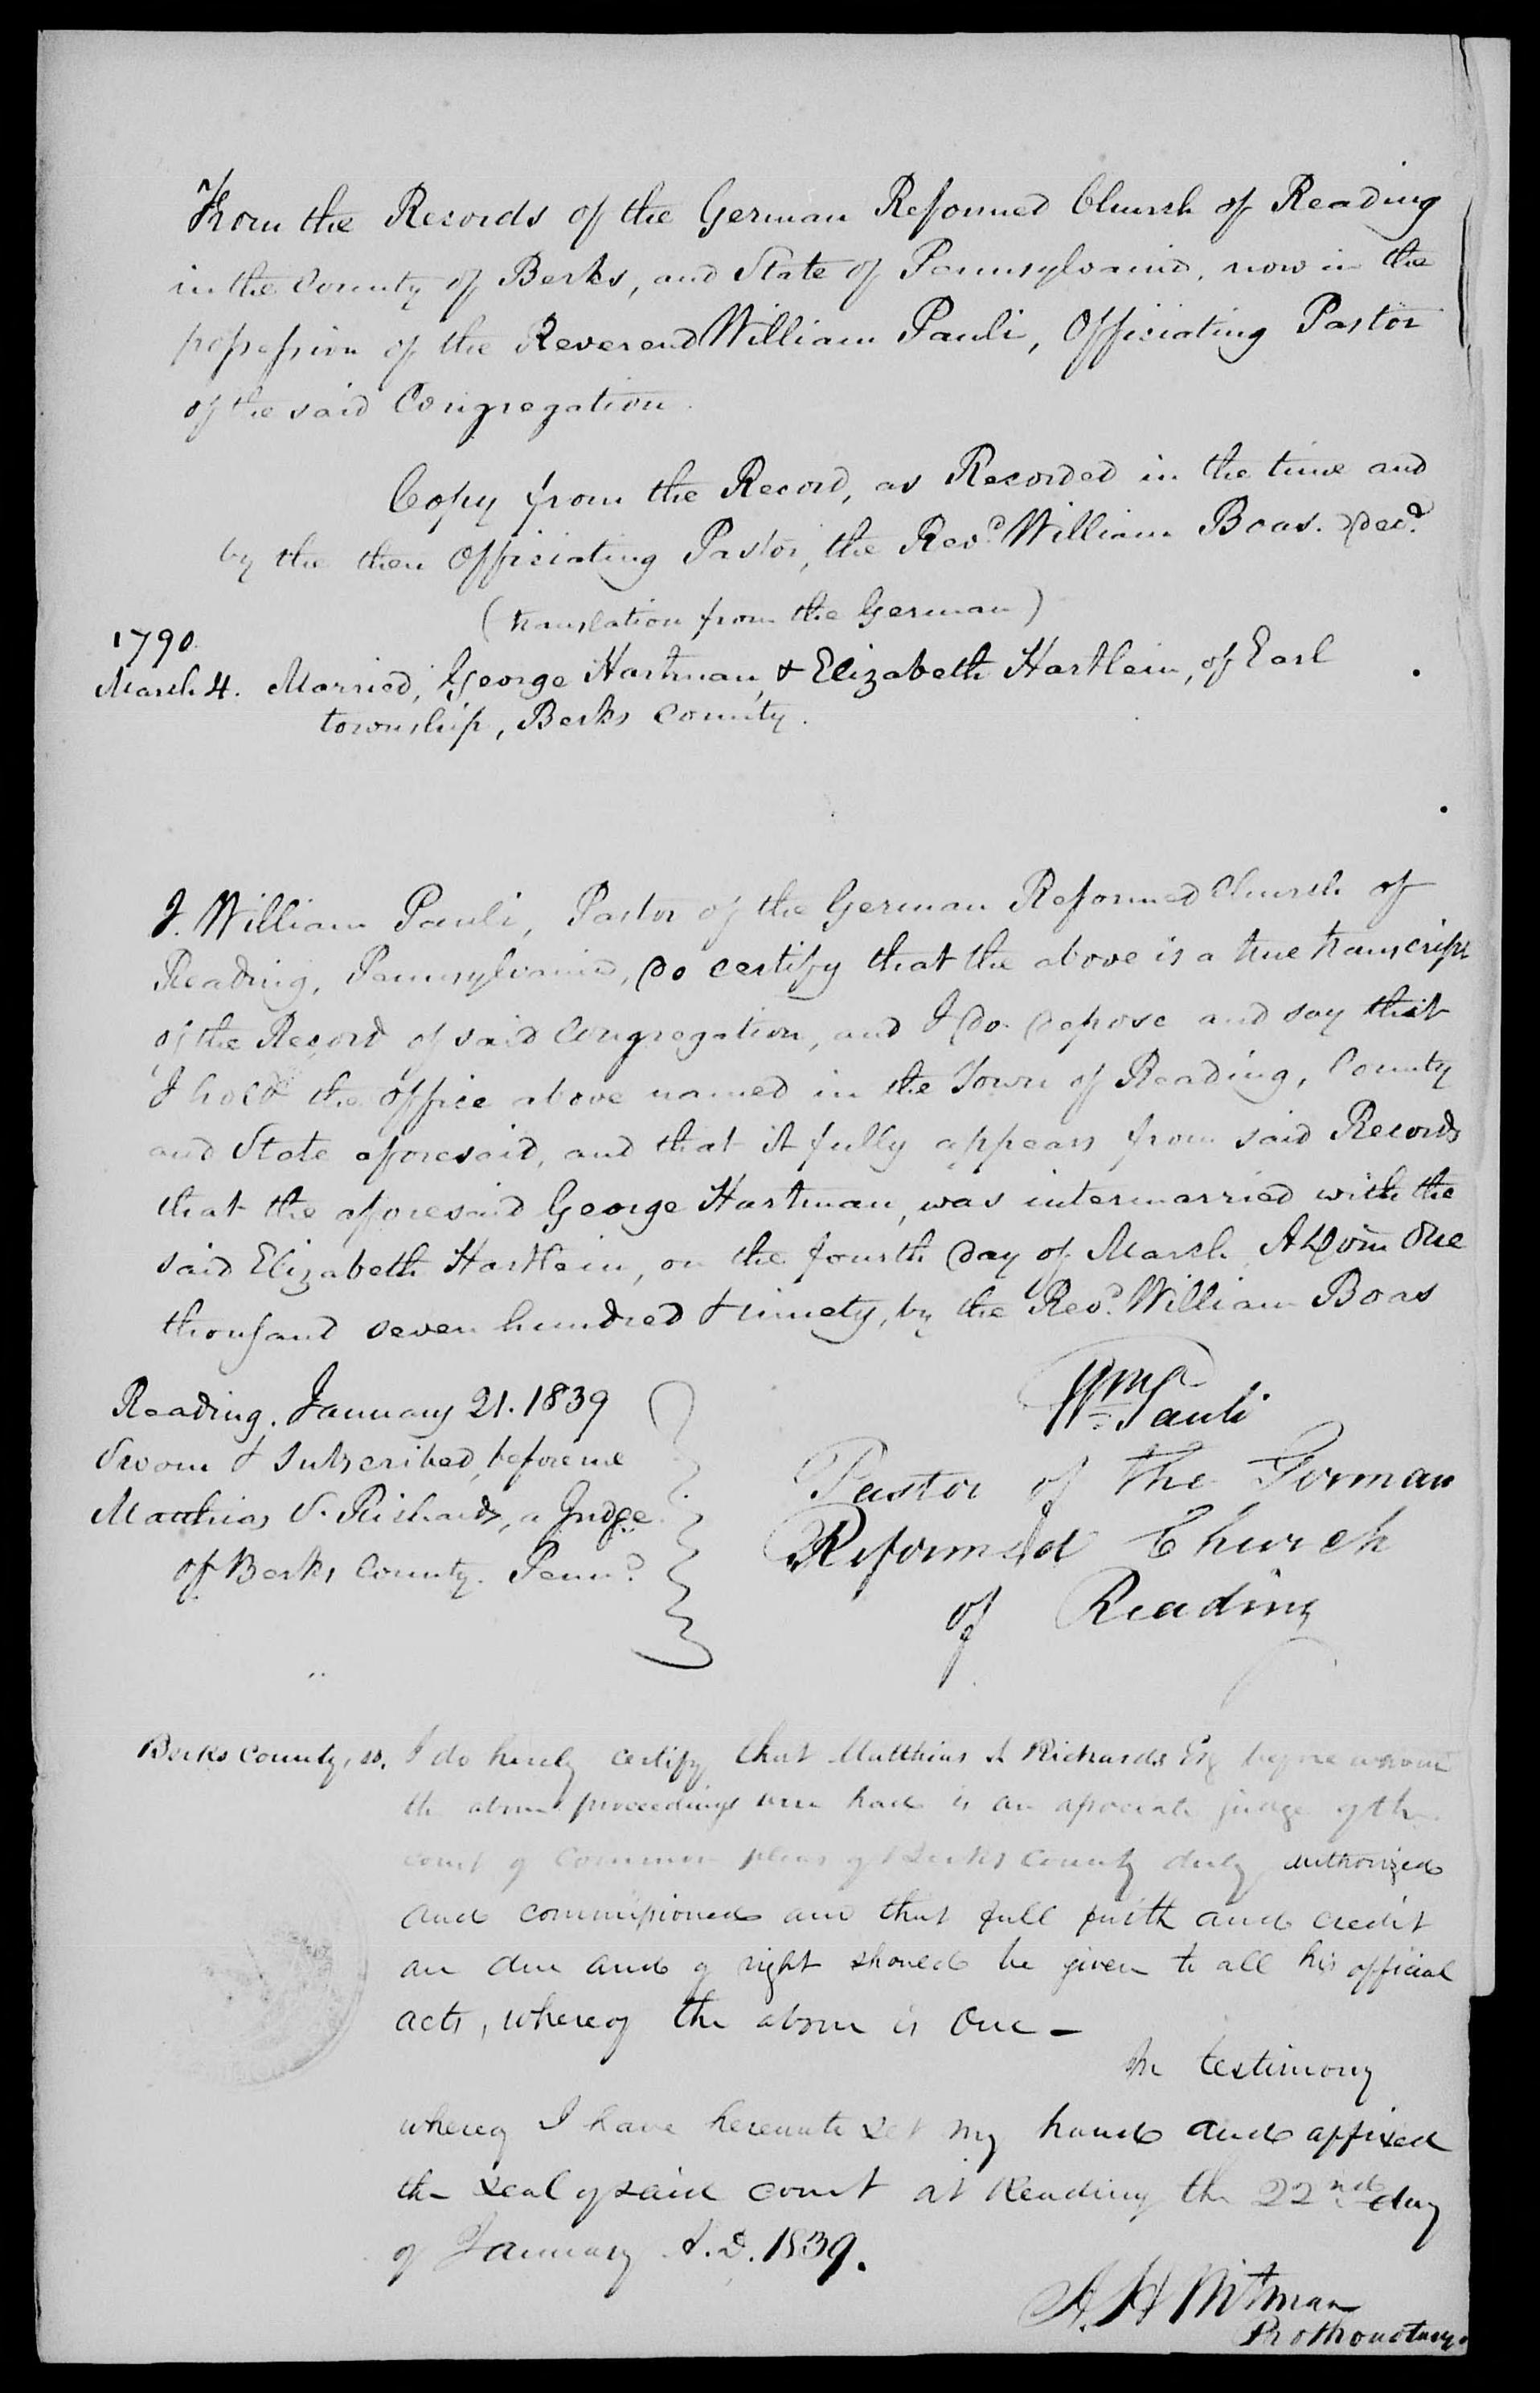From the Records of the German Reformed Church of Reading
in the County of Berks, and State of Pennsylvania, now in the
possession of the Reverend William Pauli, Officiating Pastor
of the said Congregation.
Copy from the Record, as Recorded in the time and
by the then Officiating Pastor, the Rev'd William Boas [illegible]
(translation from the German)
1790
March 4 Married, George Hartman & Elizabeth Hartlein, of Earl
township, Berks County.
I William Pauli, Pastor of the German Reformed Church of
Reading, Pennsylvania, do certify that the above is a true transcript
of the Record of said Congregation, and I do depose and say that
I hold the office above named in the Town of Reading, County
and State aforesaid, and that it fully appears from said Records
that the aforesaid George Hartman, was intermarried with the
said Elizabeth Hartlein, on the fourth day of March A Dom One
thousand seven hundred & ninety, by the Rev'd William Boas
Reading, January 21 1839 | Wm Pauli
Sworn & subscribed before me | Pastor of the German
Matthias S Richards, a Judge | Reformed Church
of Berks County Penn | of Reading
Berks County ss I do hereby certify that Matthias S Richards Esq before whom
the above proceedings were had is an associate judge of the
court of common pleas of Berks County duly authorized
[seal stamp] | and commissioned and that full faith and credit
 | are due and a right should be given to all his official
 | acts, whereof the above is One
In testimony
whereof I have hereunto set my hand and affixed
the seal of said court at Reading the 22nd day
of January A. D. 1839
A H Witman
Prothonotary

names: A H Witman, William Boas, George Hartman, William Pauli, Wm Pauli, Matthias S Richards, William Boas, George Hartman, Elizabeth Hartlein, Matthias S Richards, Elizabeth Hartlein, William Pauli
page: 16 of 29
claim: widow's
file: W. 2,789, George Hartman, New Jersey